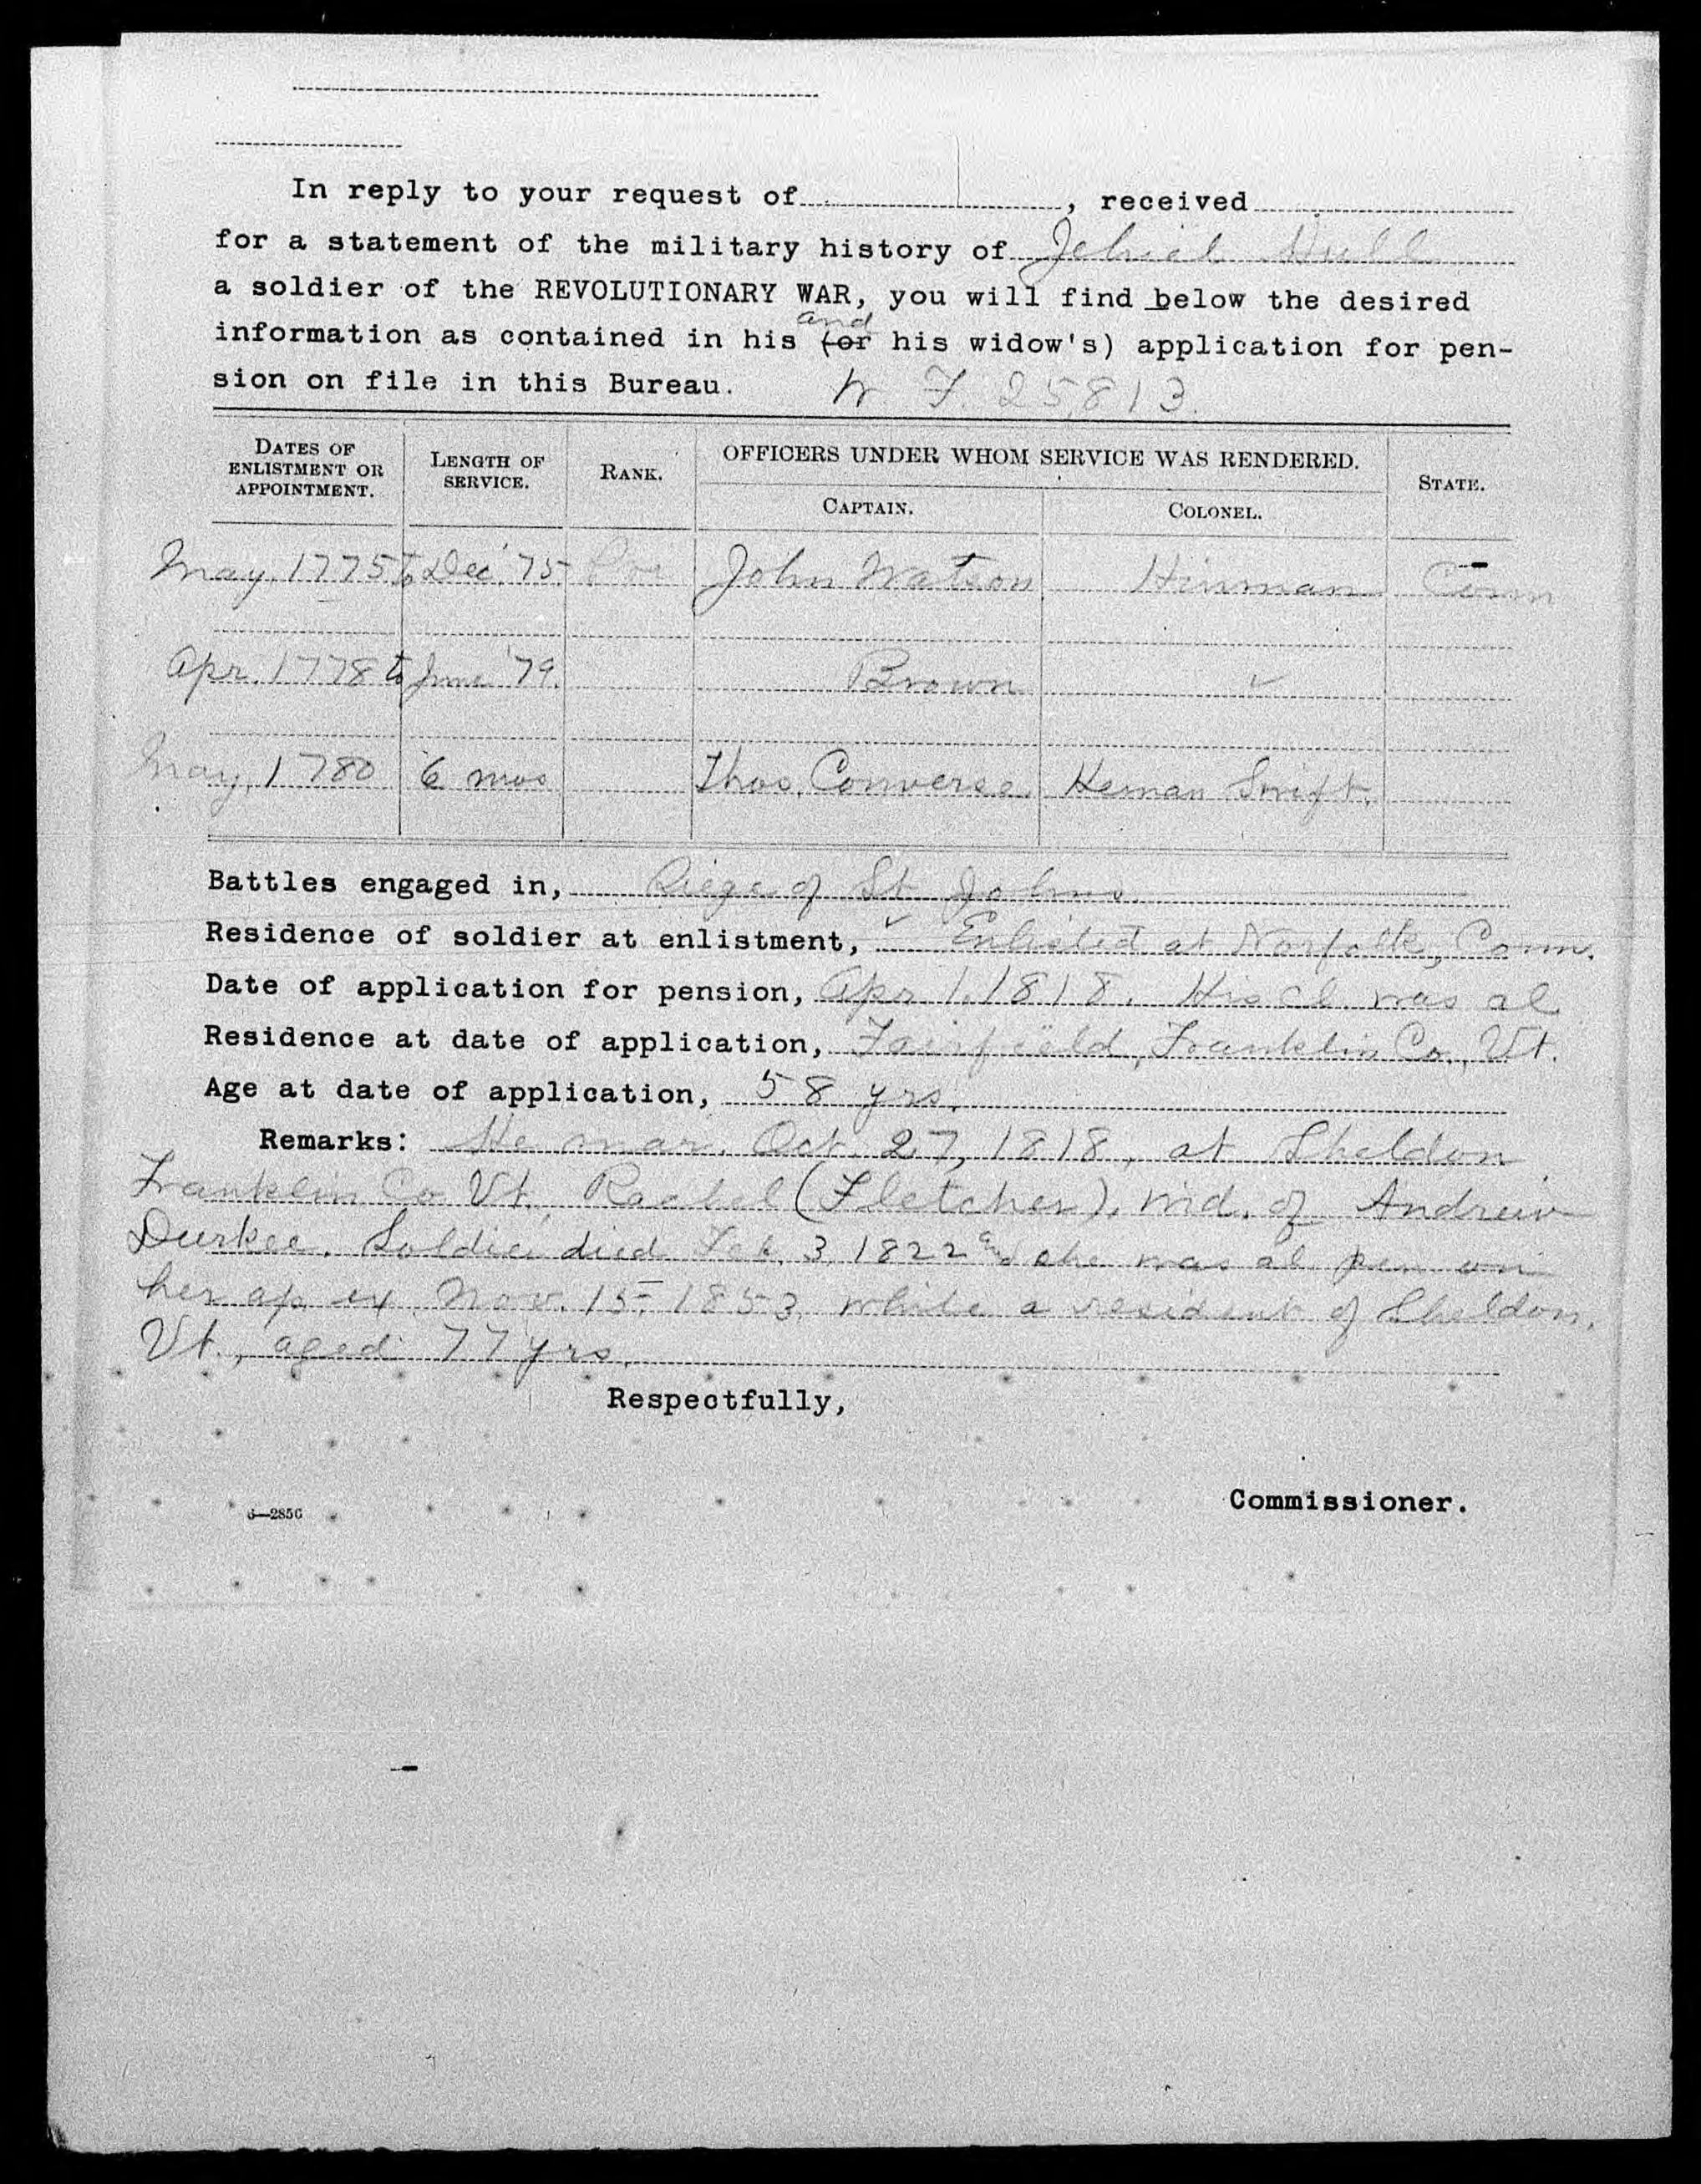In reply to your request of ___, received ___ for a statement of the military history of Jehiel Hull a soldier of the REVOLUTIONARY WAR, you will find below the desired information as contained in his (and his widow's) application for pension on file in this Bureau. [Illegible]  25,813.

Dates of enlistment or appointment. | Length of service. | Rank. | Officers under whom service was rendered. Captain | Colonel | State
May, 1775. to Dec. '75. | pvt |  John Watson | Hinman |  Conn

Apr 1778 to June '79 |  | Brown  | check mark under Hinman |  

May 1780 | 6 mos |  | Thos. Converse |  Herman Swift |

Battles engaged in, Siege of St Johns 
Residence of soldier at enlistment, Enlisted at Norfolk, Conn
Date of application for pension, Apr 1, 1818.  [illegible]
Residence at date of application, Fairfield, Franklin Col, Vt
Age at date of application, 58 years 
Remarks: He married Oct 27, 1818 at Sheldon Franklin Co VT. Rachel (Fletcher) [illegible] of Andrew Durkee. Soldier died Feb 3, 1822 and she was [illegible] pension her [illegible] ex Nov 15, 1853 while a resident of Sheldon VT., aged 77 yrs. 
Respectfully, 

Commissioner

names: Brown, Thos Converse, Rachel Fletcher, Hinman, Heman Swift, John Watson, Andrew Durkee, Jehiel Hull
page: 50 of 58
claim: widow's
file: W. 25813, Jehiel Hull, Conn.